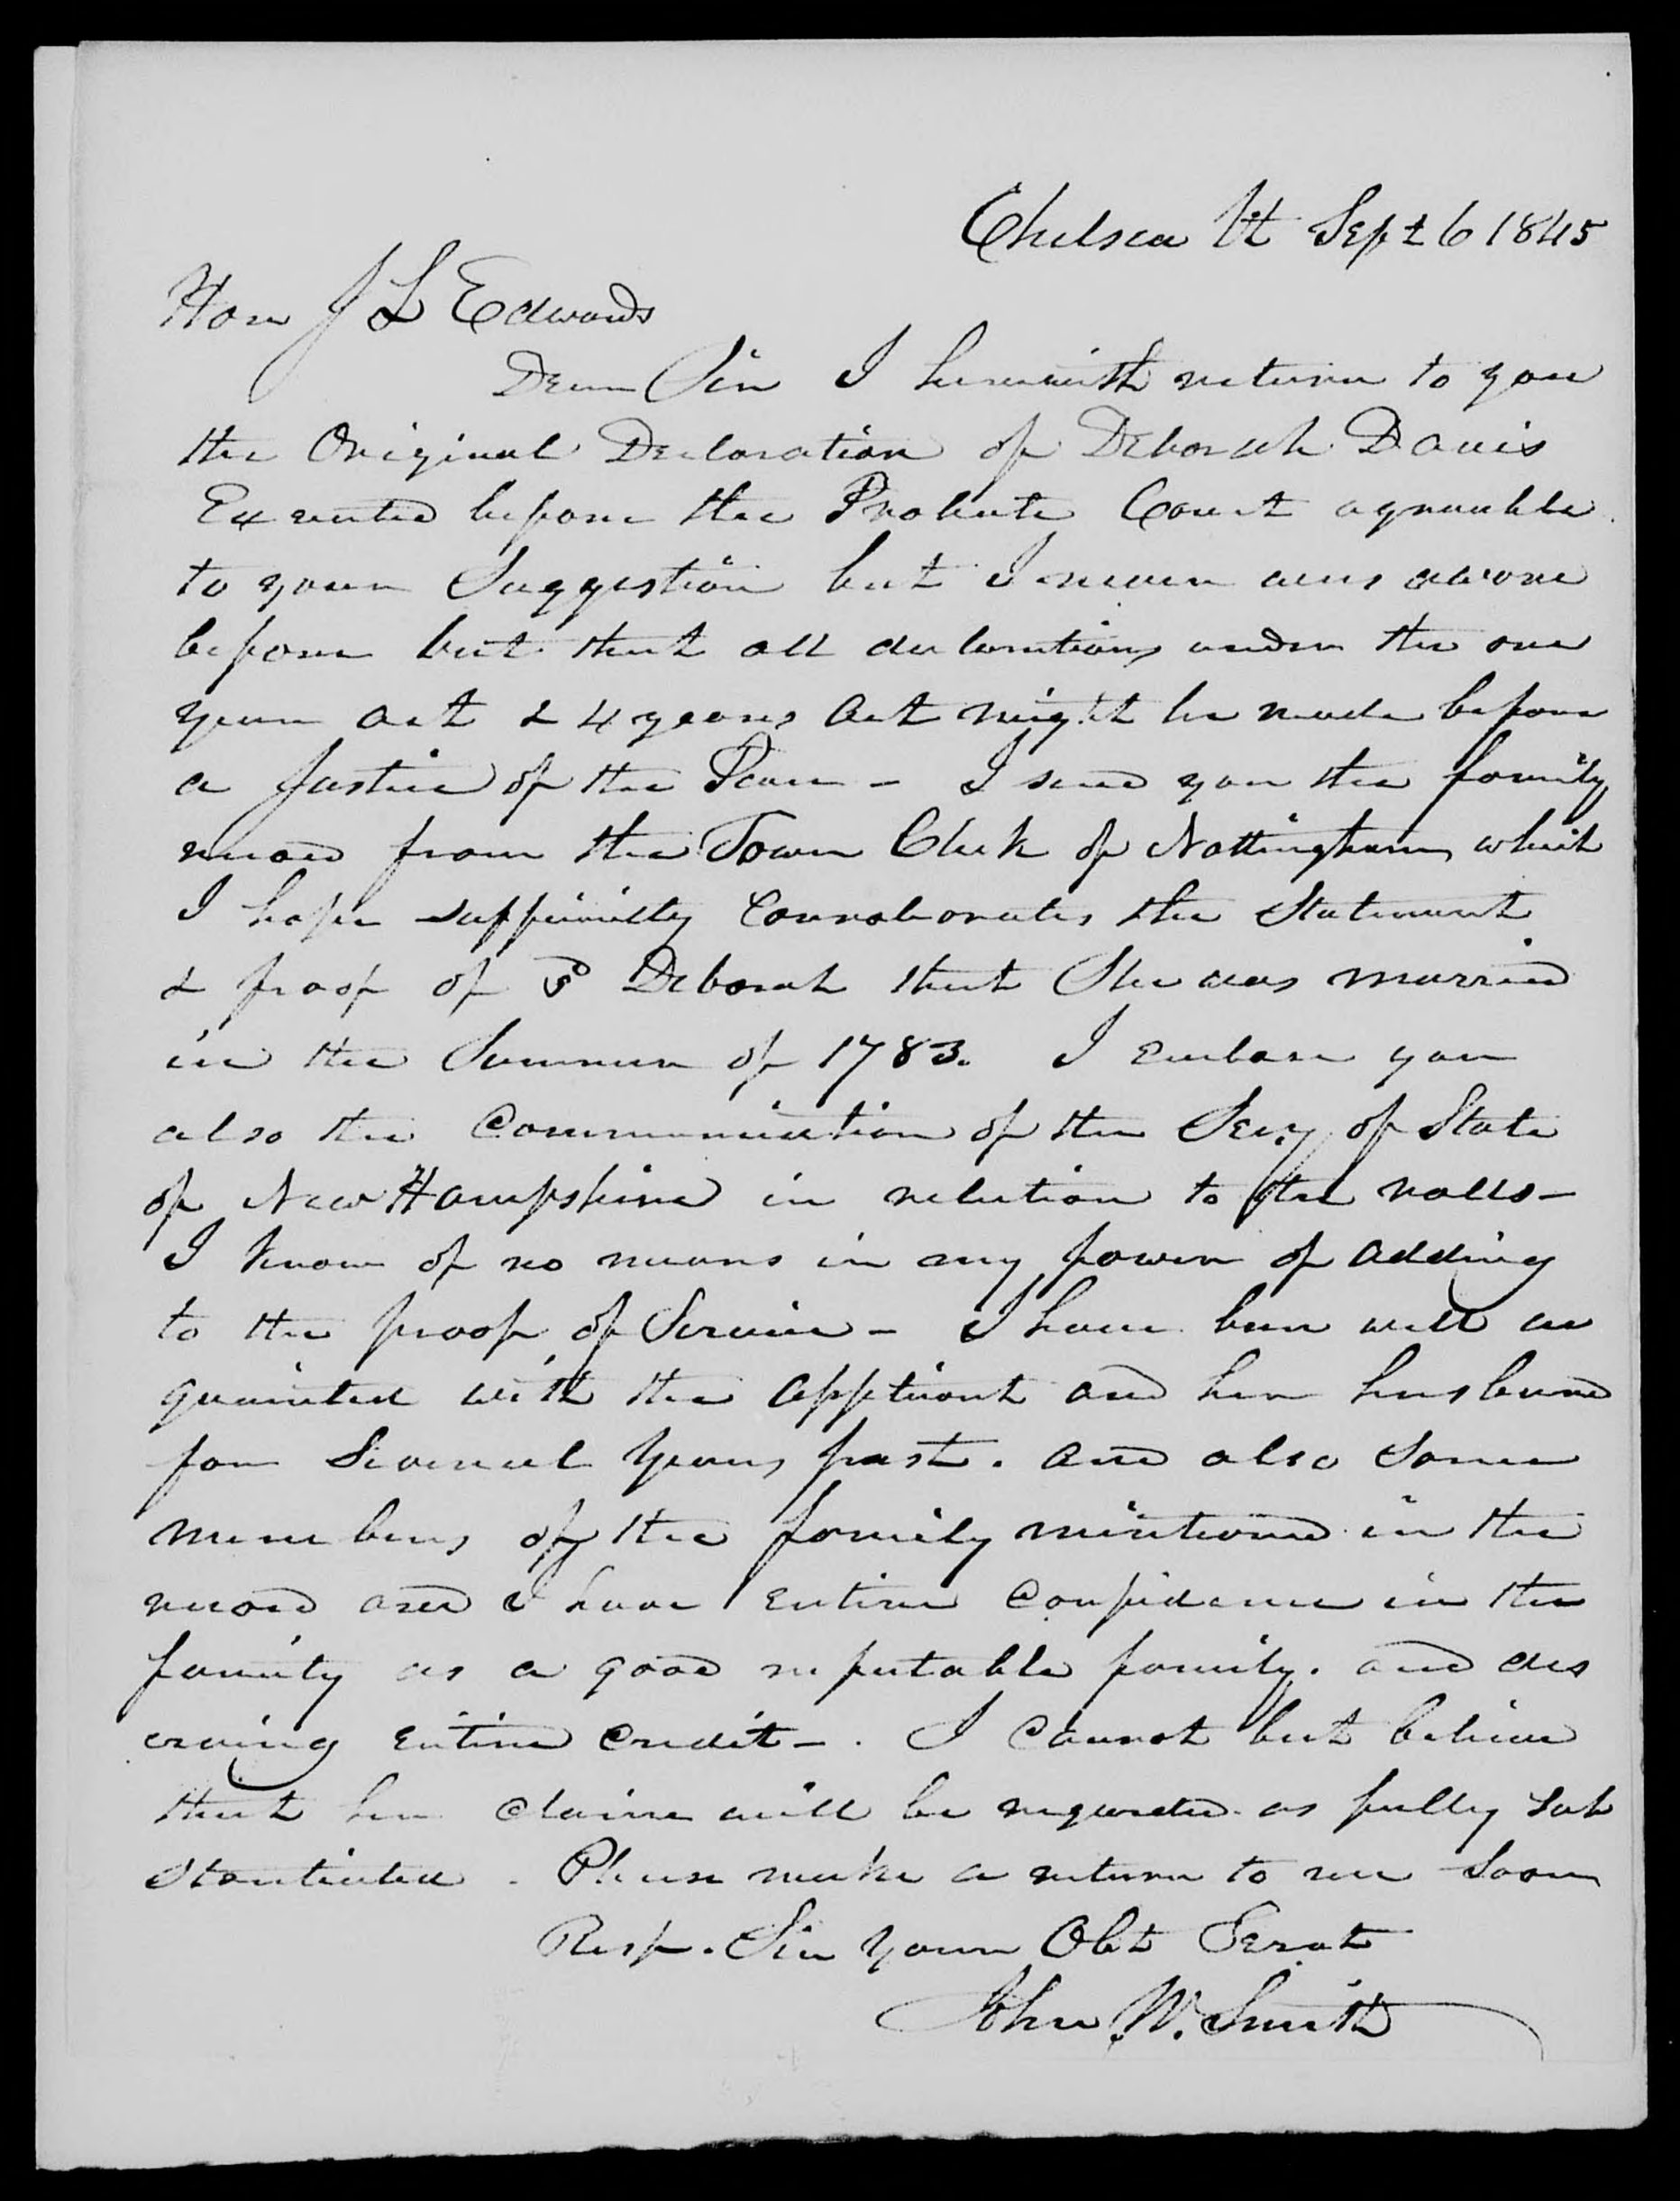Chelsea Vt Sept 6 1845
Hon J L Edwards
Dear Sir I herewith return to you the Original Declaration of Deborah Davis Executed before the Probate Court agreeable to your Suggestion but I never was [illegible]
before but that all declarations under the one year act and 4 years act might be made before a Justice of the Peace-- I send you the family record from the Town Clerk of Nottingham which I hope sufficiently Corroborates the Statement and proof of sd [said] Deborah that she was married in the Summer of 1783. I enclose you also the Communication of the Secy of State of New Hampshire in relation to the rolls
I know of no means in my power of adding to the proof of Service. I have been well acquainted with the applicant and her husband for several years past, and also some
members of the family mentioned in the record and I have entire confidence in the family as a good reputable family and deserving entire credit. I cannot but believe that her claim will be regarded as fully substantiated. Please make a return to me Soon
Resp. Sir your Obt Servt
John W. Smith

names: J L Edwards, John W Smith, Deborah Davis, Deborah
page: 43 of 47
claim: widow's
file: W. 24043, Jacob Davis, N.H.